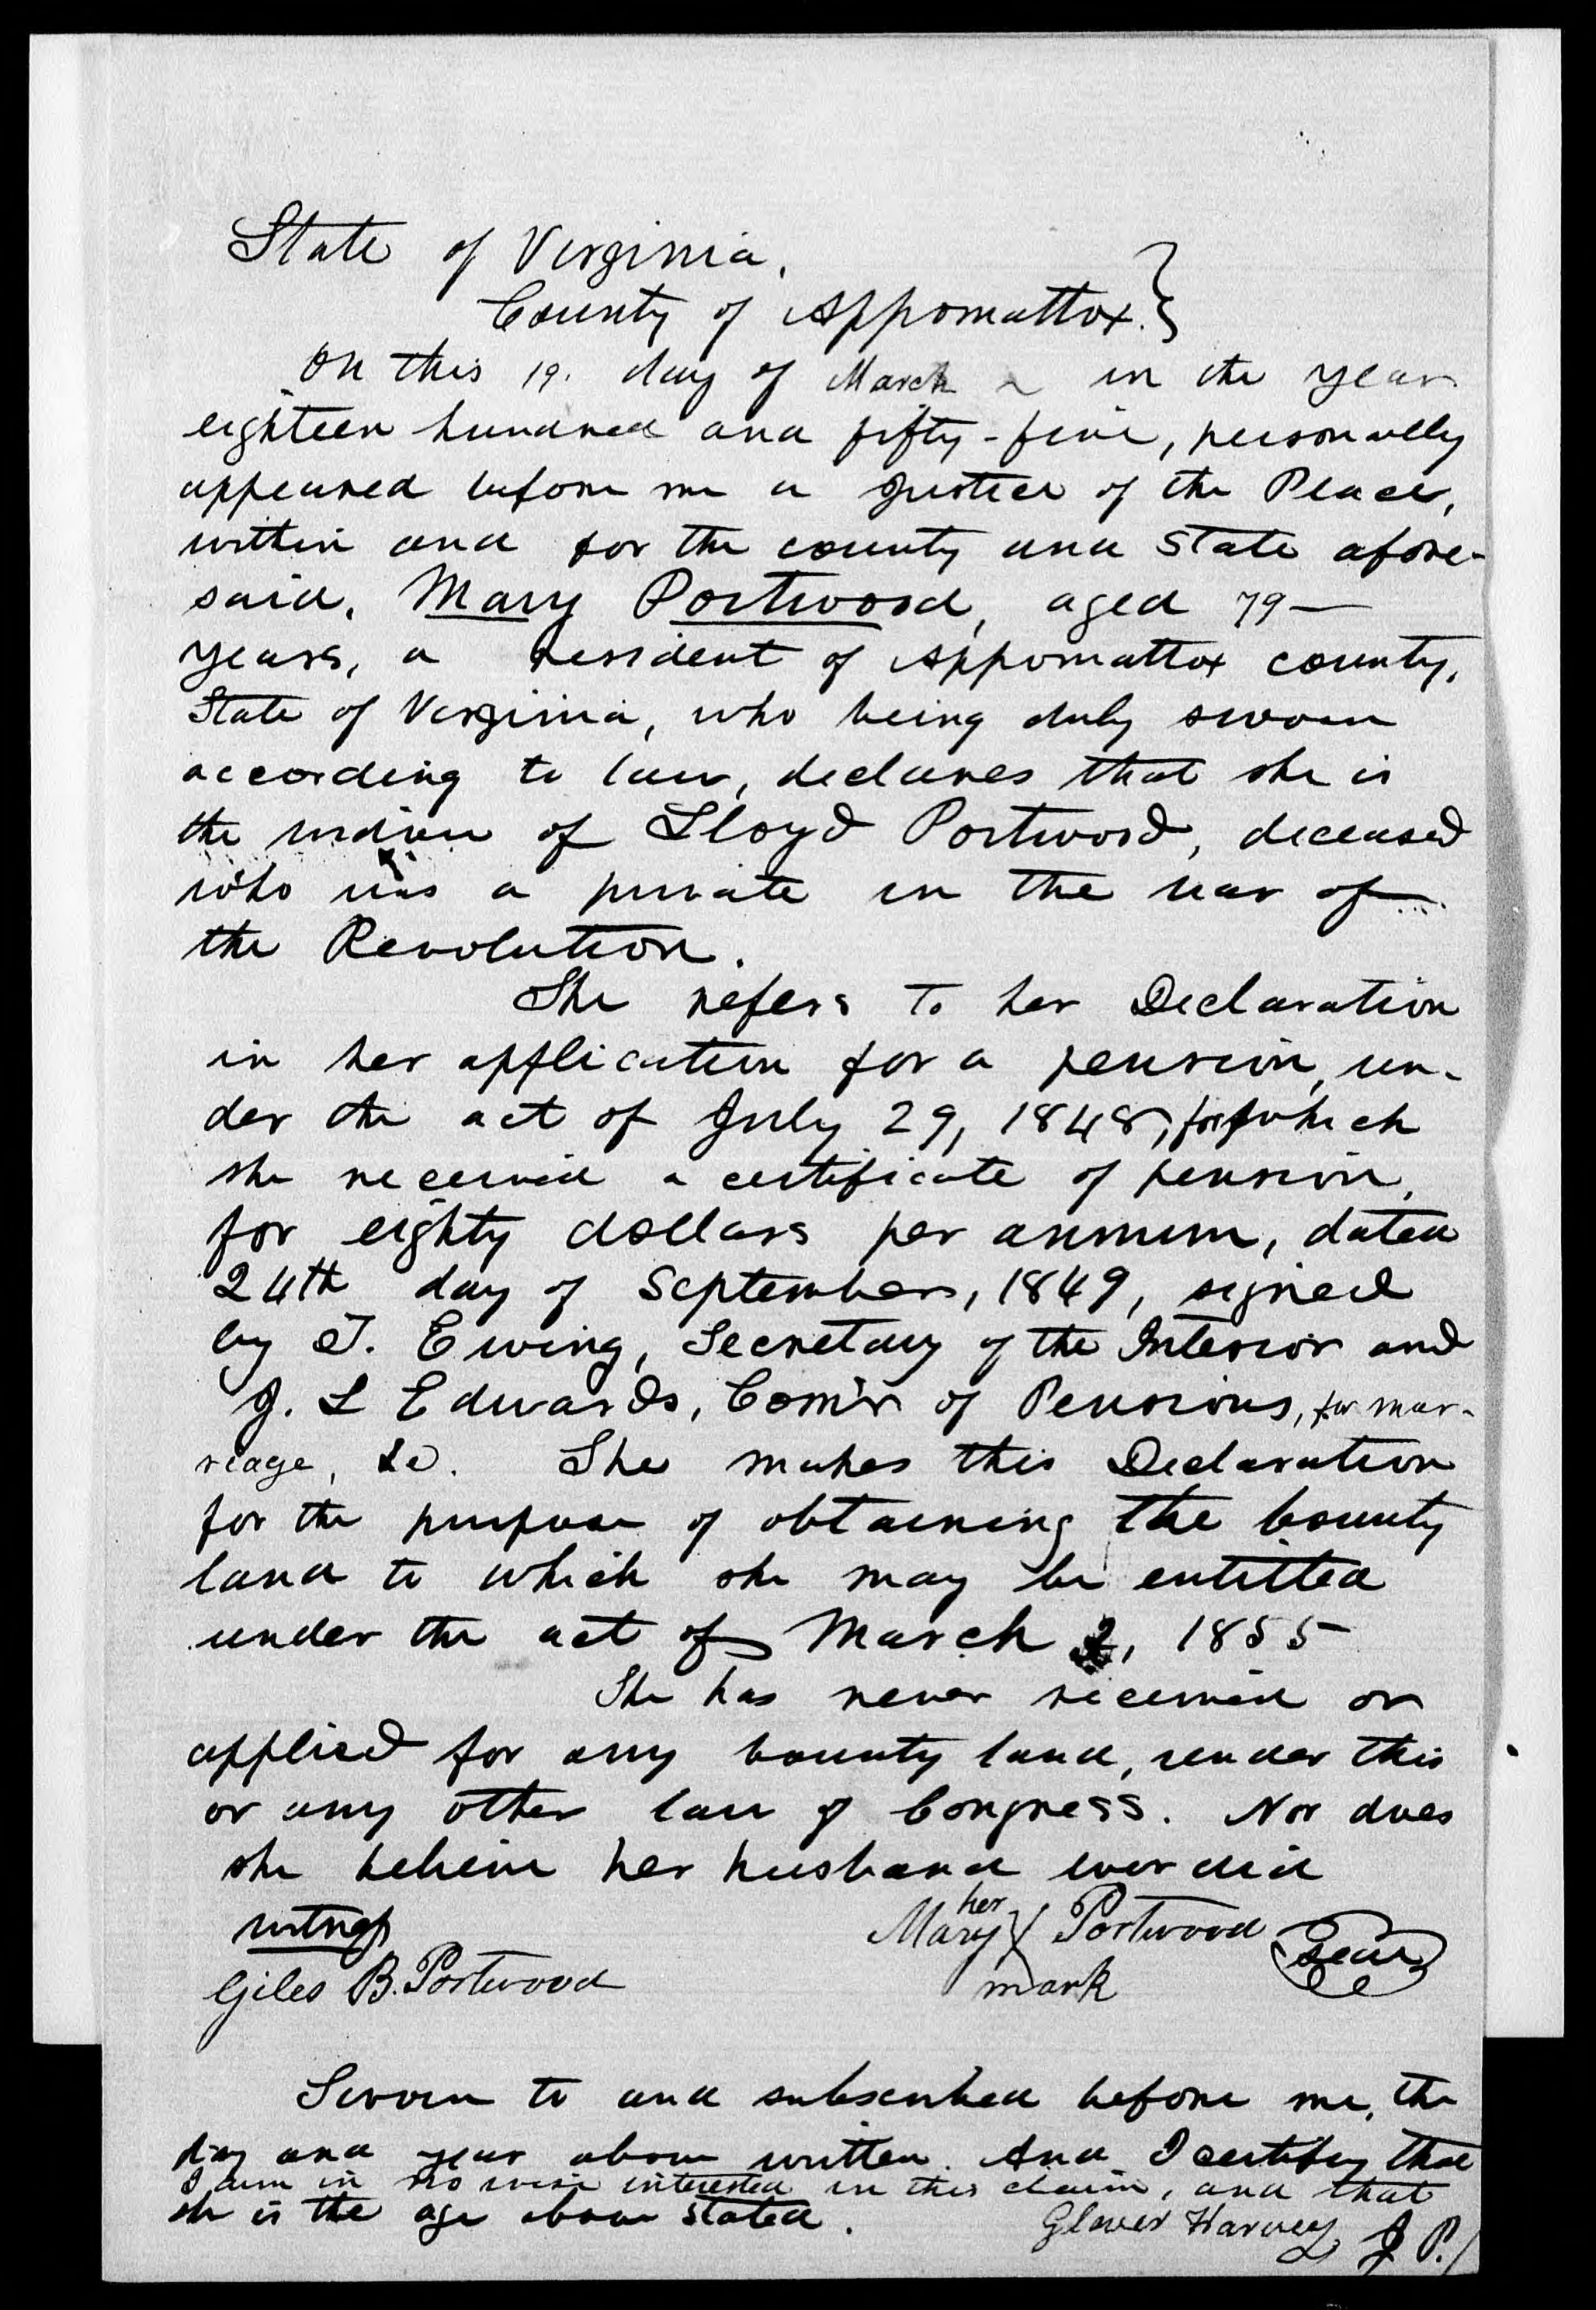State of Virginia,
County of Appomattox.}
On this 19 day of March ~ in the year
eighteen hundred and fifty-five, personally
appeared before me a Justice of the Peace,
within and for the county and State aforesaid,
Mary Portwood, aged 79 ~
years, a resident of Appomattox county,
State of Virginia, who being duly sworn
according to law, declares that she is
the widow of Lloyd Portwood, deceased
who was a private in the war of
the Revolution.
She refers to her Declaration
in her application for a pension under 
the act of July 29, 1848, for which
she received a certificate of pension,
for eighty dollars per annum, dated
24th day of September, 1849, signed
by T. Ewing, Secretary of the Interior and
J. L. Edwards, Comr of Pensions, for marriage, 
&c. She makes this Declaration
for the purpose of obtaining the bounty
land to which she may be entitled
under the act of March 3, 1855
She has never received or
applied for any bounty land, under this
or any other law of Congress. Nor does
she believe her husband ever did
witness
Giles B. Portwood
| her
Mary X Portwood  (seal)
mark
Sworn to and subscribed before me, the
day and year above written. And I certify that
I am in no wise interested in this claim, and that
she is the age above stated.  Glover Harvey  J P.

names: Mary Portwood; T Ewing; Giles B Portwood; Glover Harvey; J L Edwards; Lloyd Portwood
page: 10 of 50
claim: widow's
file: W. 1929, for Lloyd Portwood, Virginia